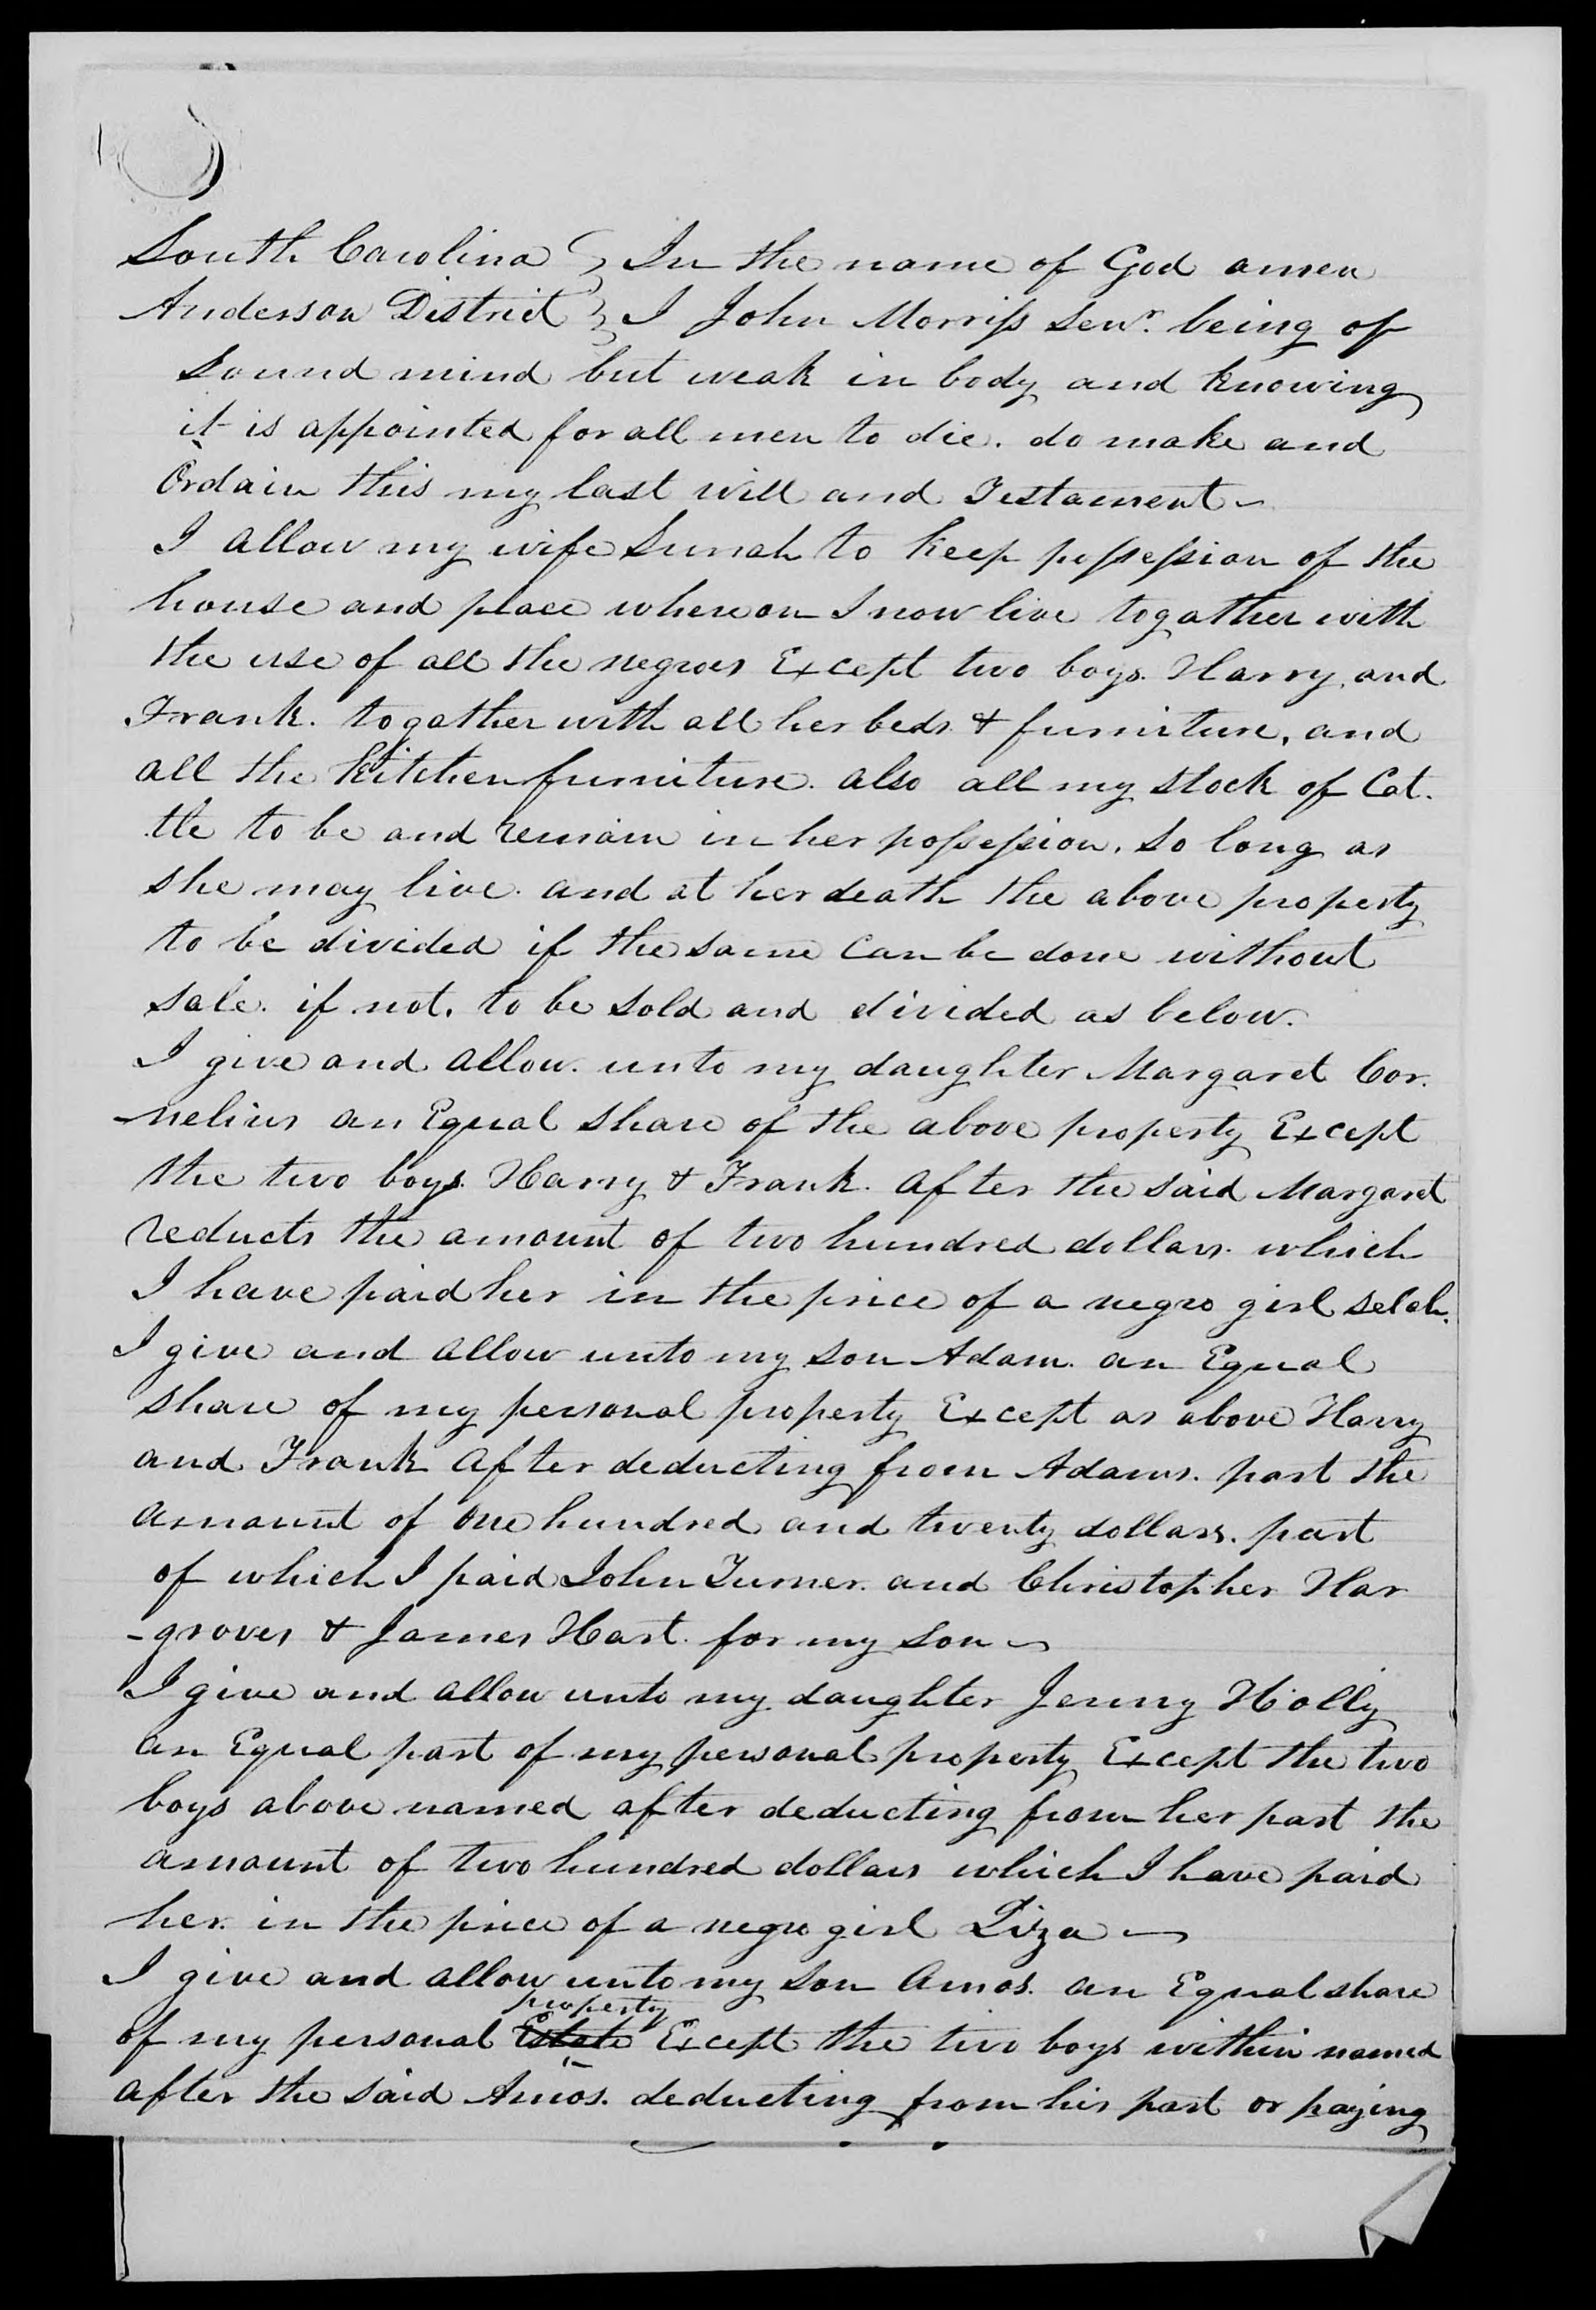South Carolina in the name of god amen. Anderson District. I John Morriss Being of sound mind but weak in body and knowing it is appointed for all men to die. Do seek and ordain this my last will and testament. I allow my wife, Surrah, to keep possession of the house and place where I now live together with the use of all the Negroes except two boys Harry and Frank together with all the beds and furniture and all the kitchen furniture also all my stock of cattle to be and remain in her possession. So long as she may live and at her death the above property to be divided if the same can be done without sale if not to be sold and divided as below. Give and allow unto my daughter Margaret Cornelius an equal share of the above property except the two boys Harry and Frank. After the said Margaret reducts the amount of two hundred dollars Which I have paid her in the price of a negro girl Selah. I give and allow unto my son Adam an equal share of my personal property except as above Harry and Frank after deducting from Adams part the amount of one hundred and twenty dollars part of which I paid John Turner and Christopher Hargroves and [James Hart for my son. I give and allow unto my daughter Jenny Holly an equal part of my personal property except the two boys above named after deducting from her part the amount of two hundred dollars which I have paid her in the price of a negro girl Liza. I Give and allow unto my son Amos an equal share of my personal property except the two boys within named after the said Amos Deducting from his part or paying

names: James Hart; Harry [BLANK]; Adam [BLANK]; Amos [BLANK]; Margaret Cornelius; Christopher Hargroves; Frank [BLANK]; John Morriss; John Turner; Jenny Holly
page: 4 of 20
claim: rejected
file: R. 7407, for John Morriss, South Carolina